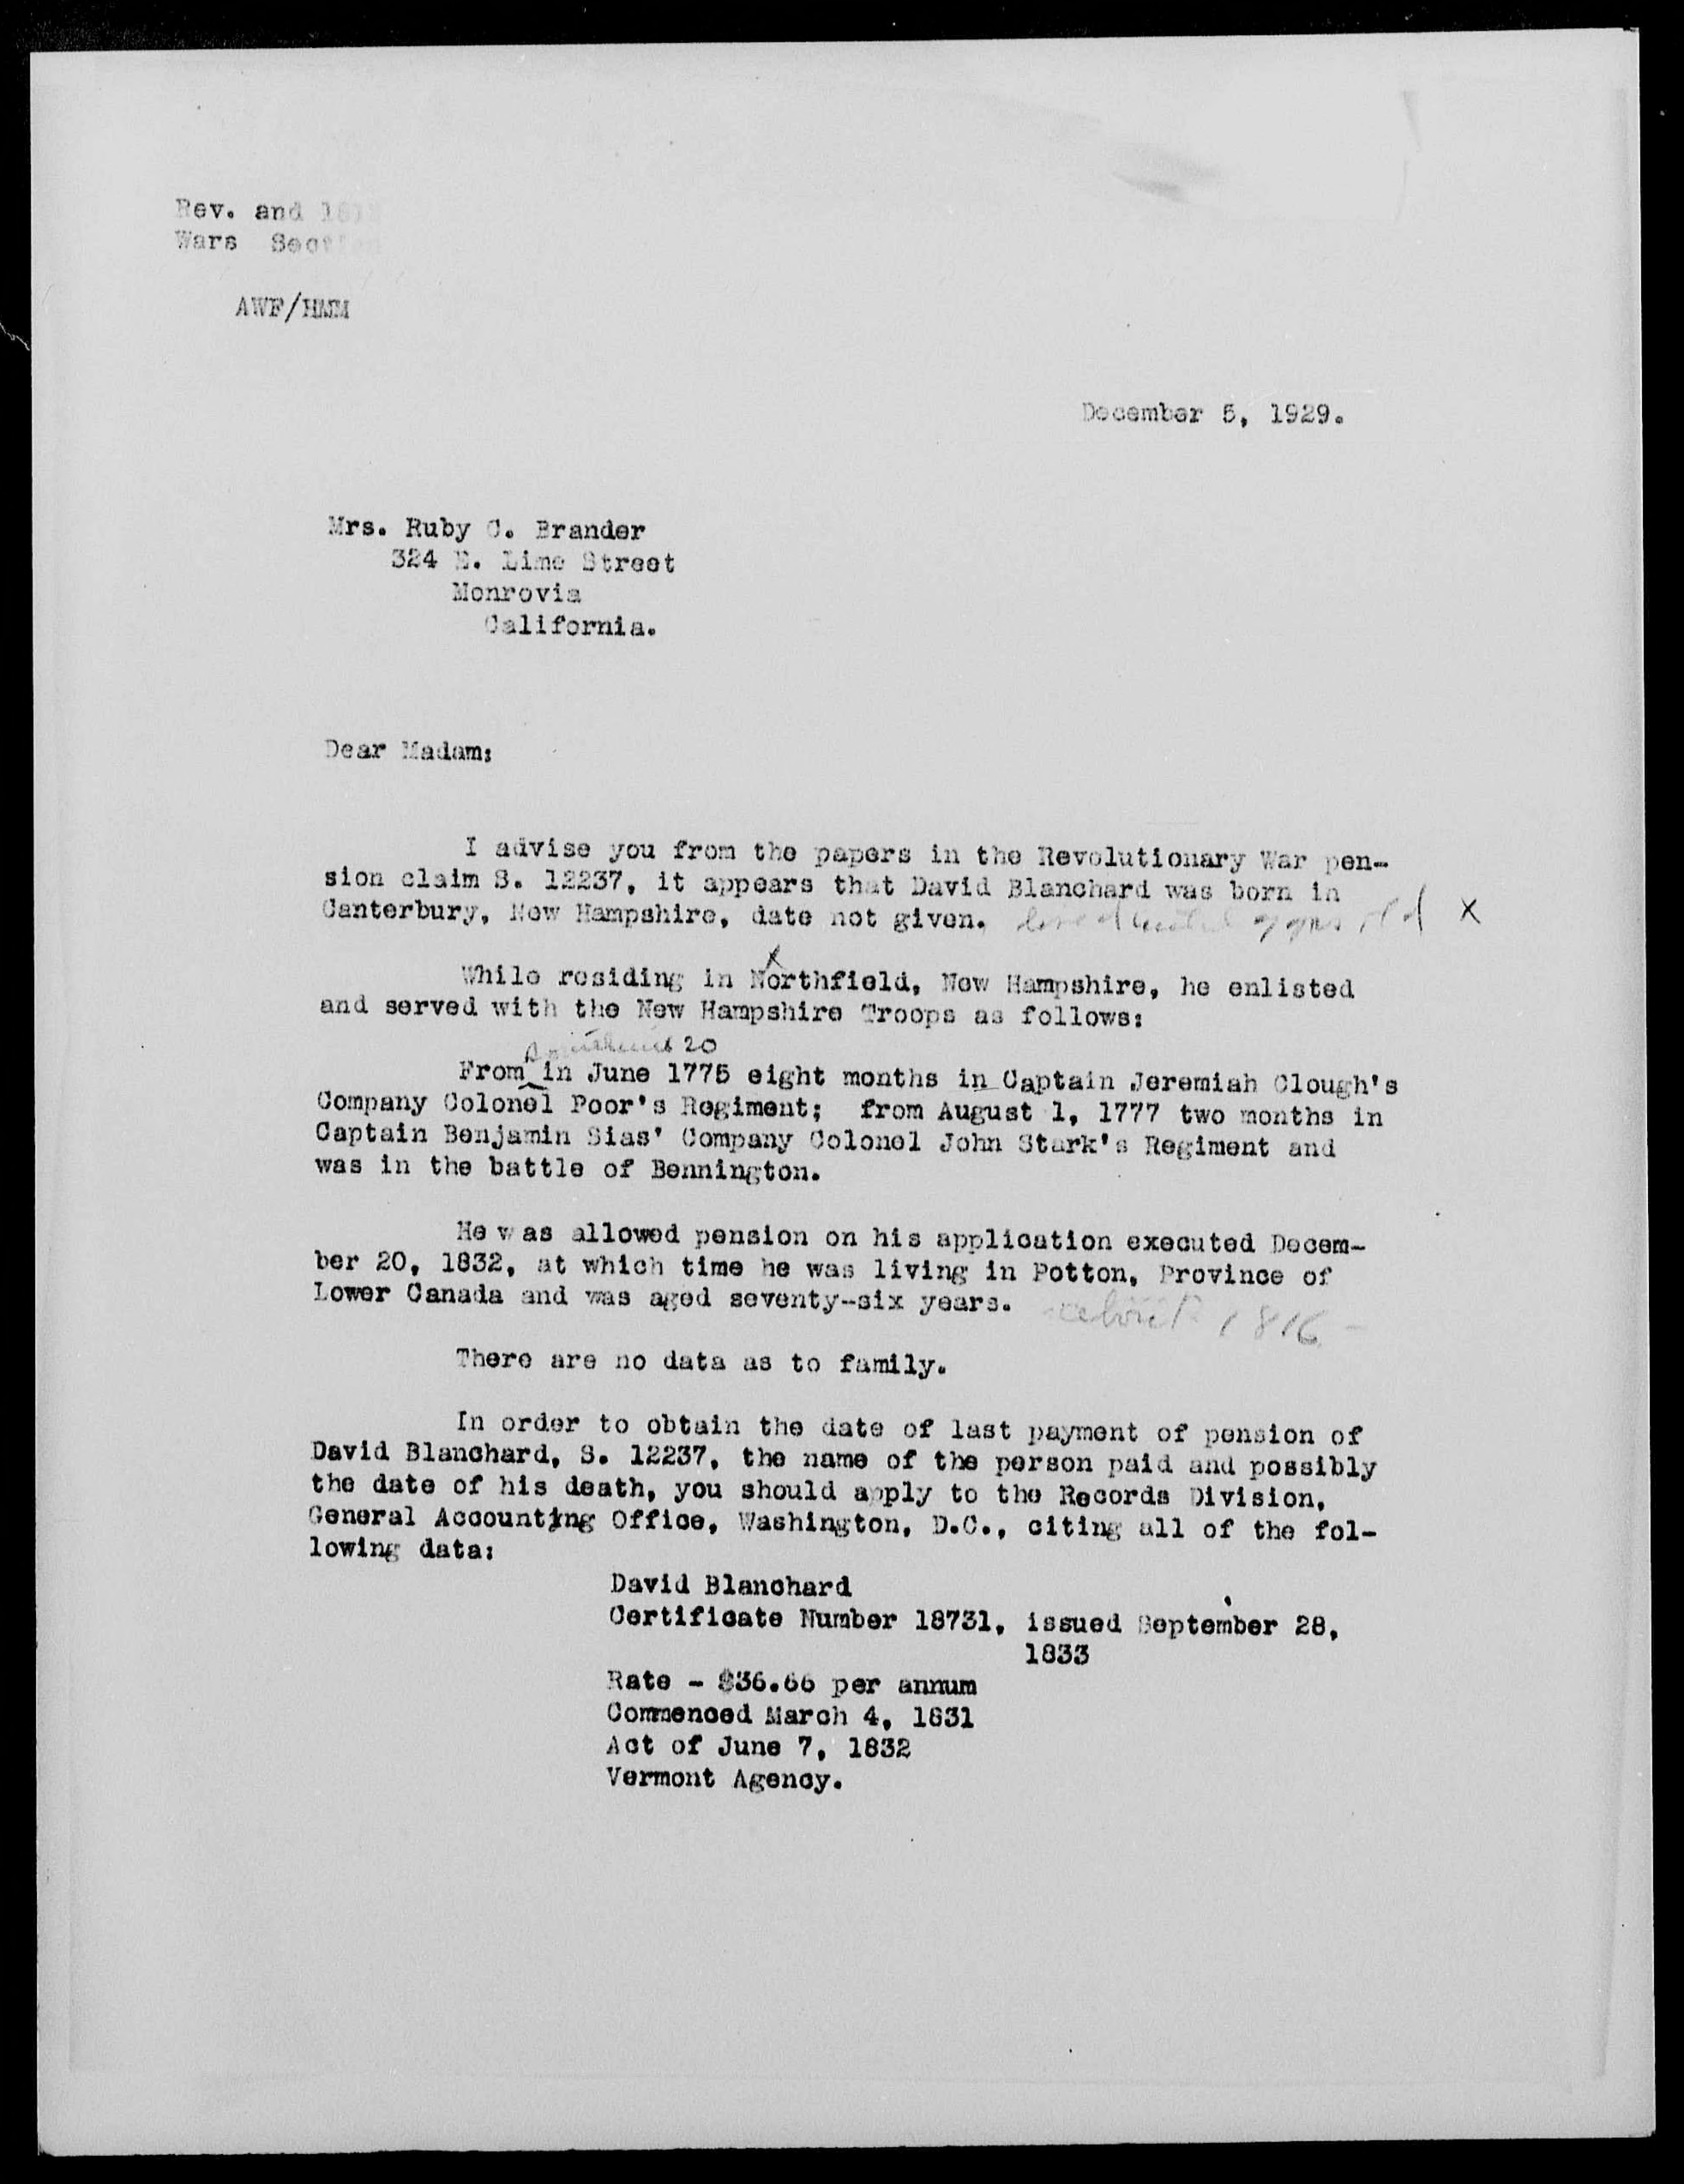Rev. and 1812
Wars Section
AWF/HMM
December 5, 1929
Mrs. Ruby C. Brander
324 E. Lime Street
Monrovia
California.
Dear Madam:
I advise you from the papers in the Revolutionary War pension claim S. 12237, it appears that David Blanchard was born in Canterbury, New Hampshire, date not given, lived until y yrs old. X While residing in Northfield, New Hampshire, he enlisted and served with the New Hampshire Troops as follows:
From [illegible] 20 in June 1775 eight months in Captain Jeremiah Clough's Company Colonel Poor's Regiment; from August 1, 1777, two months in Captain Benjamin Sias' Company Colonel John Stark's Regiment and was in the battle of Bennington.
He was allowed pension on his application executed December 20, 1832, at which time he was living in Potton, Province of Lower Canada and was aged seventy-six years. About 1816.
There are no data as to family.
In order to obtain the date of last payment of pension of David Blanchard, S. 12237, the name of the person paid and possibly the date of his death, you should apply to the Records Division,
General Accounting Office, Washington, D.C., citing all of the following data:
David Blanchard
Certificate Number 18731, issued September 28, 1833
Rate - $36.66 per annum
Commenced March 4, 1831
Act of June 7, 1832
Vermont Agency.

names: David Blanchard, David Blanchard, Ruby C Brander, David Blanchard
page: 22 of 23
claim: survivor's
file: S. 12237, David Blanchard, N. H.